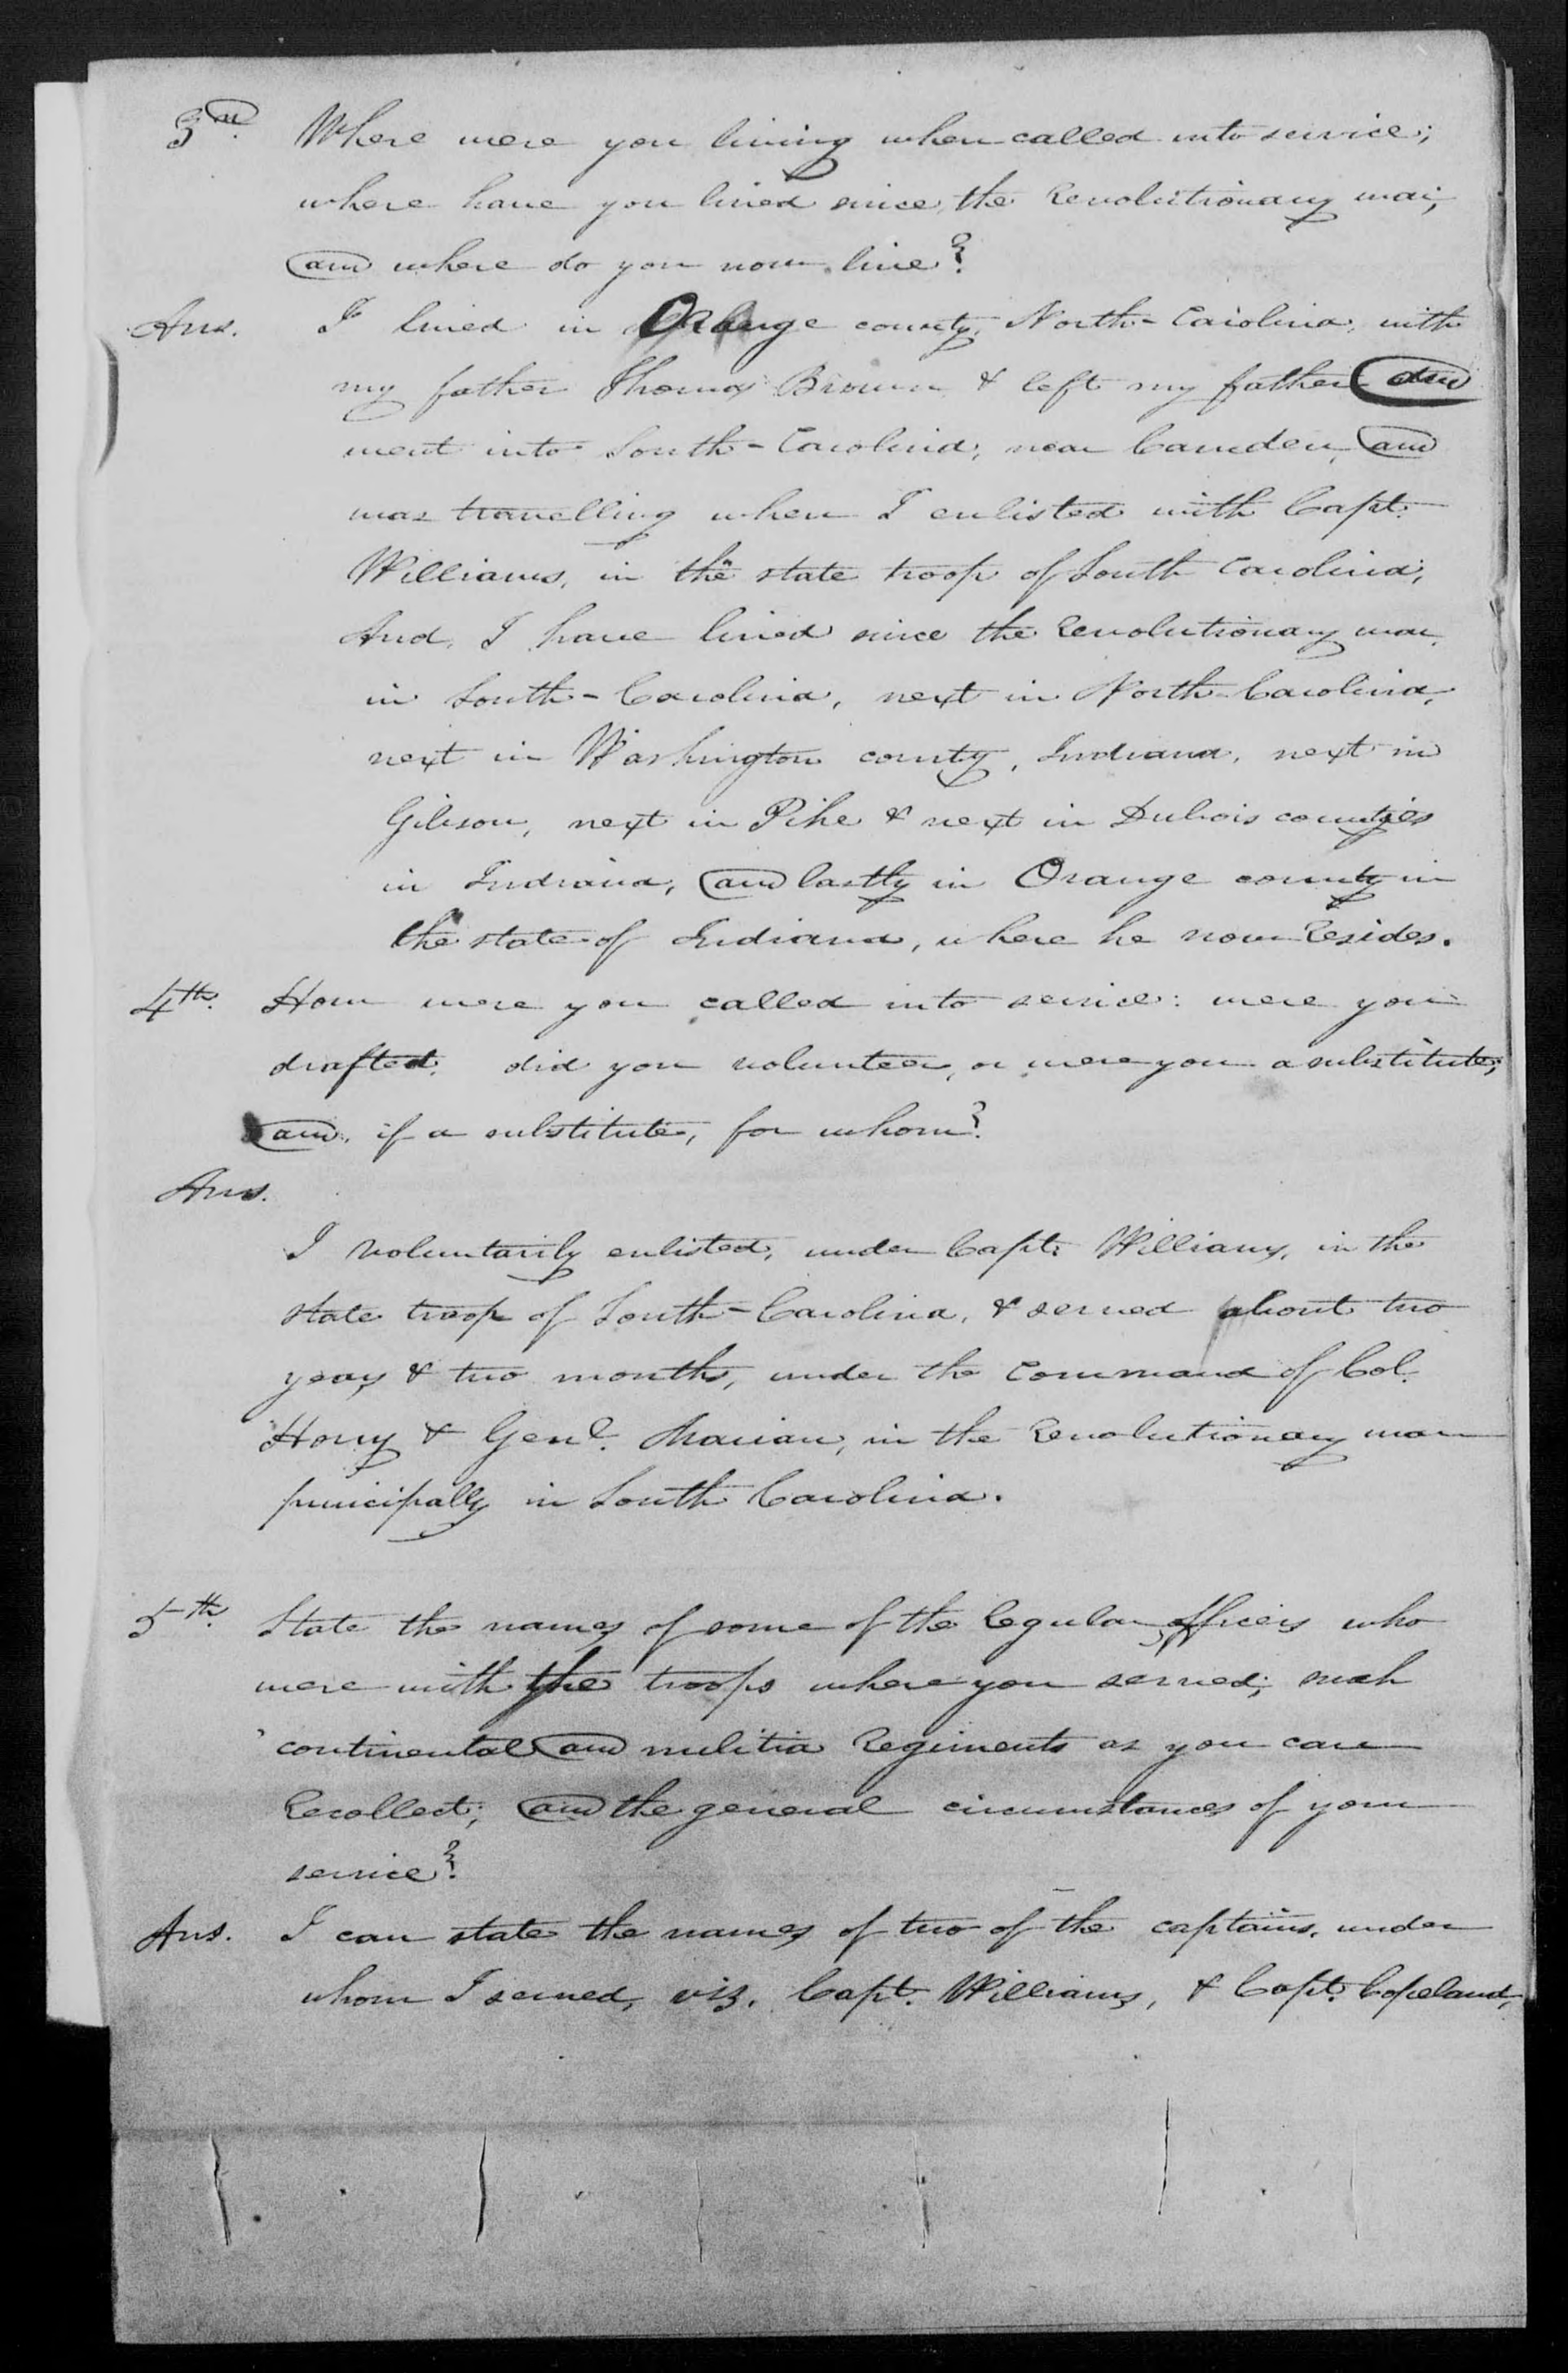3rd Where were you living when called into service; where have you lived since the Revolutionary war, and where do you now live?
Ans. I lived in Orange County North Carolina with my father Thomas Brown & left my father and
went into South Carolina, near Camden and was travelling when I enlisted with Capt. [John] Williams, in the State troop of South Carolina,
And I have lived since the Revolutionary war in South Carolina, next in North Carolina next in Washington county, Indiana, next in
Gibson, next in Pike & next in Dubois County in Indiana, and lastly in Orange County in the State of Indiana, where he now resides.
4th How were you called into service; were you drafted, did you volunteer, or were you a substitute, and if a substitute, for whom?
Ans. I voluntarily enlisted under Capt. Williams, in the State troop of South Carolina, & served about two years & two months, under the command of Col. [Daniel] Horry & Genl [Francis] Marion in the Revolutionary war principally in South Carolina
5th State the names of some of the regular officers who were with the troops where you served; such continental and militia regiments as you can recollect; and the general circumstances of your service
Ans. I can state the names of two of the captains under whom I served, viz. Capt. Williams, & Capt [William] Copeland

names: Horry, Williams, Marian, Thomas Brown, Dubois, Williams, Copeland, Gibson, Williams, Pike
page: 10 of 41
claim: rejected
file: R. 1309, James Brown, S.C.